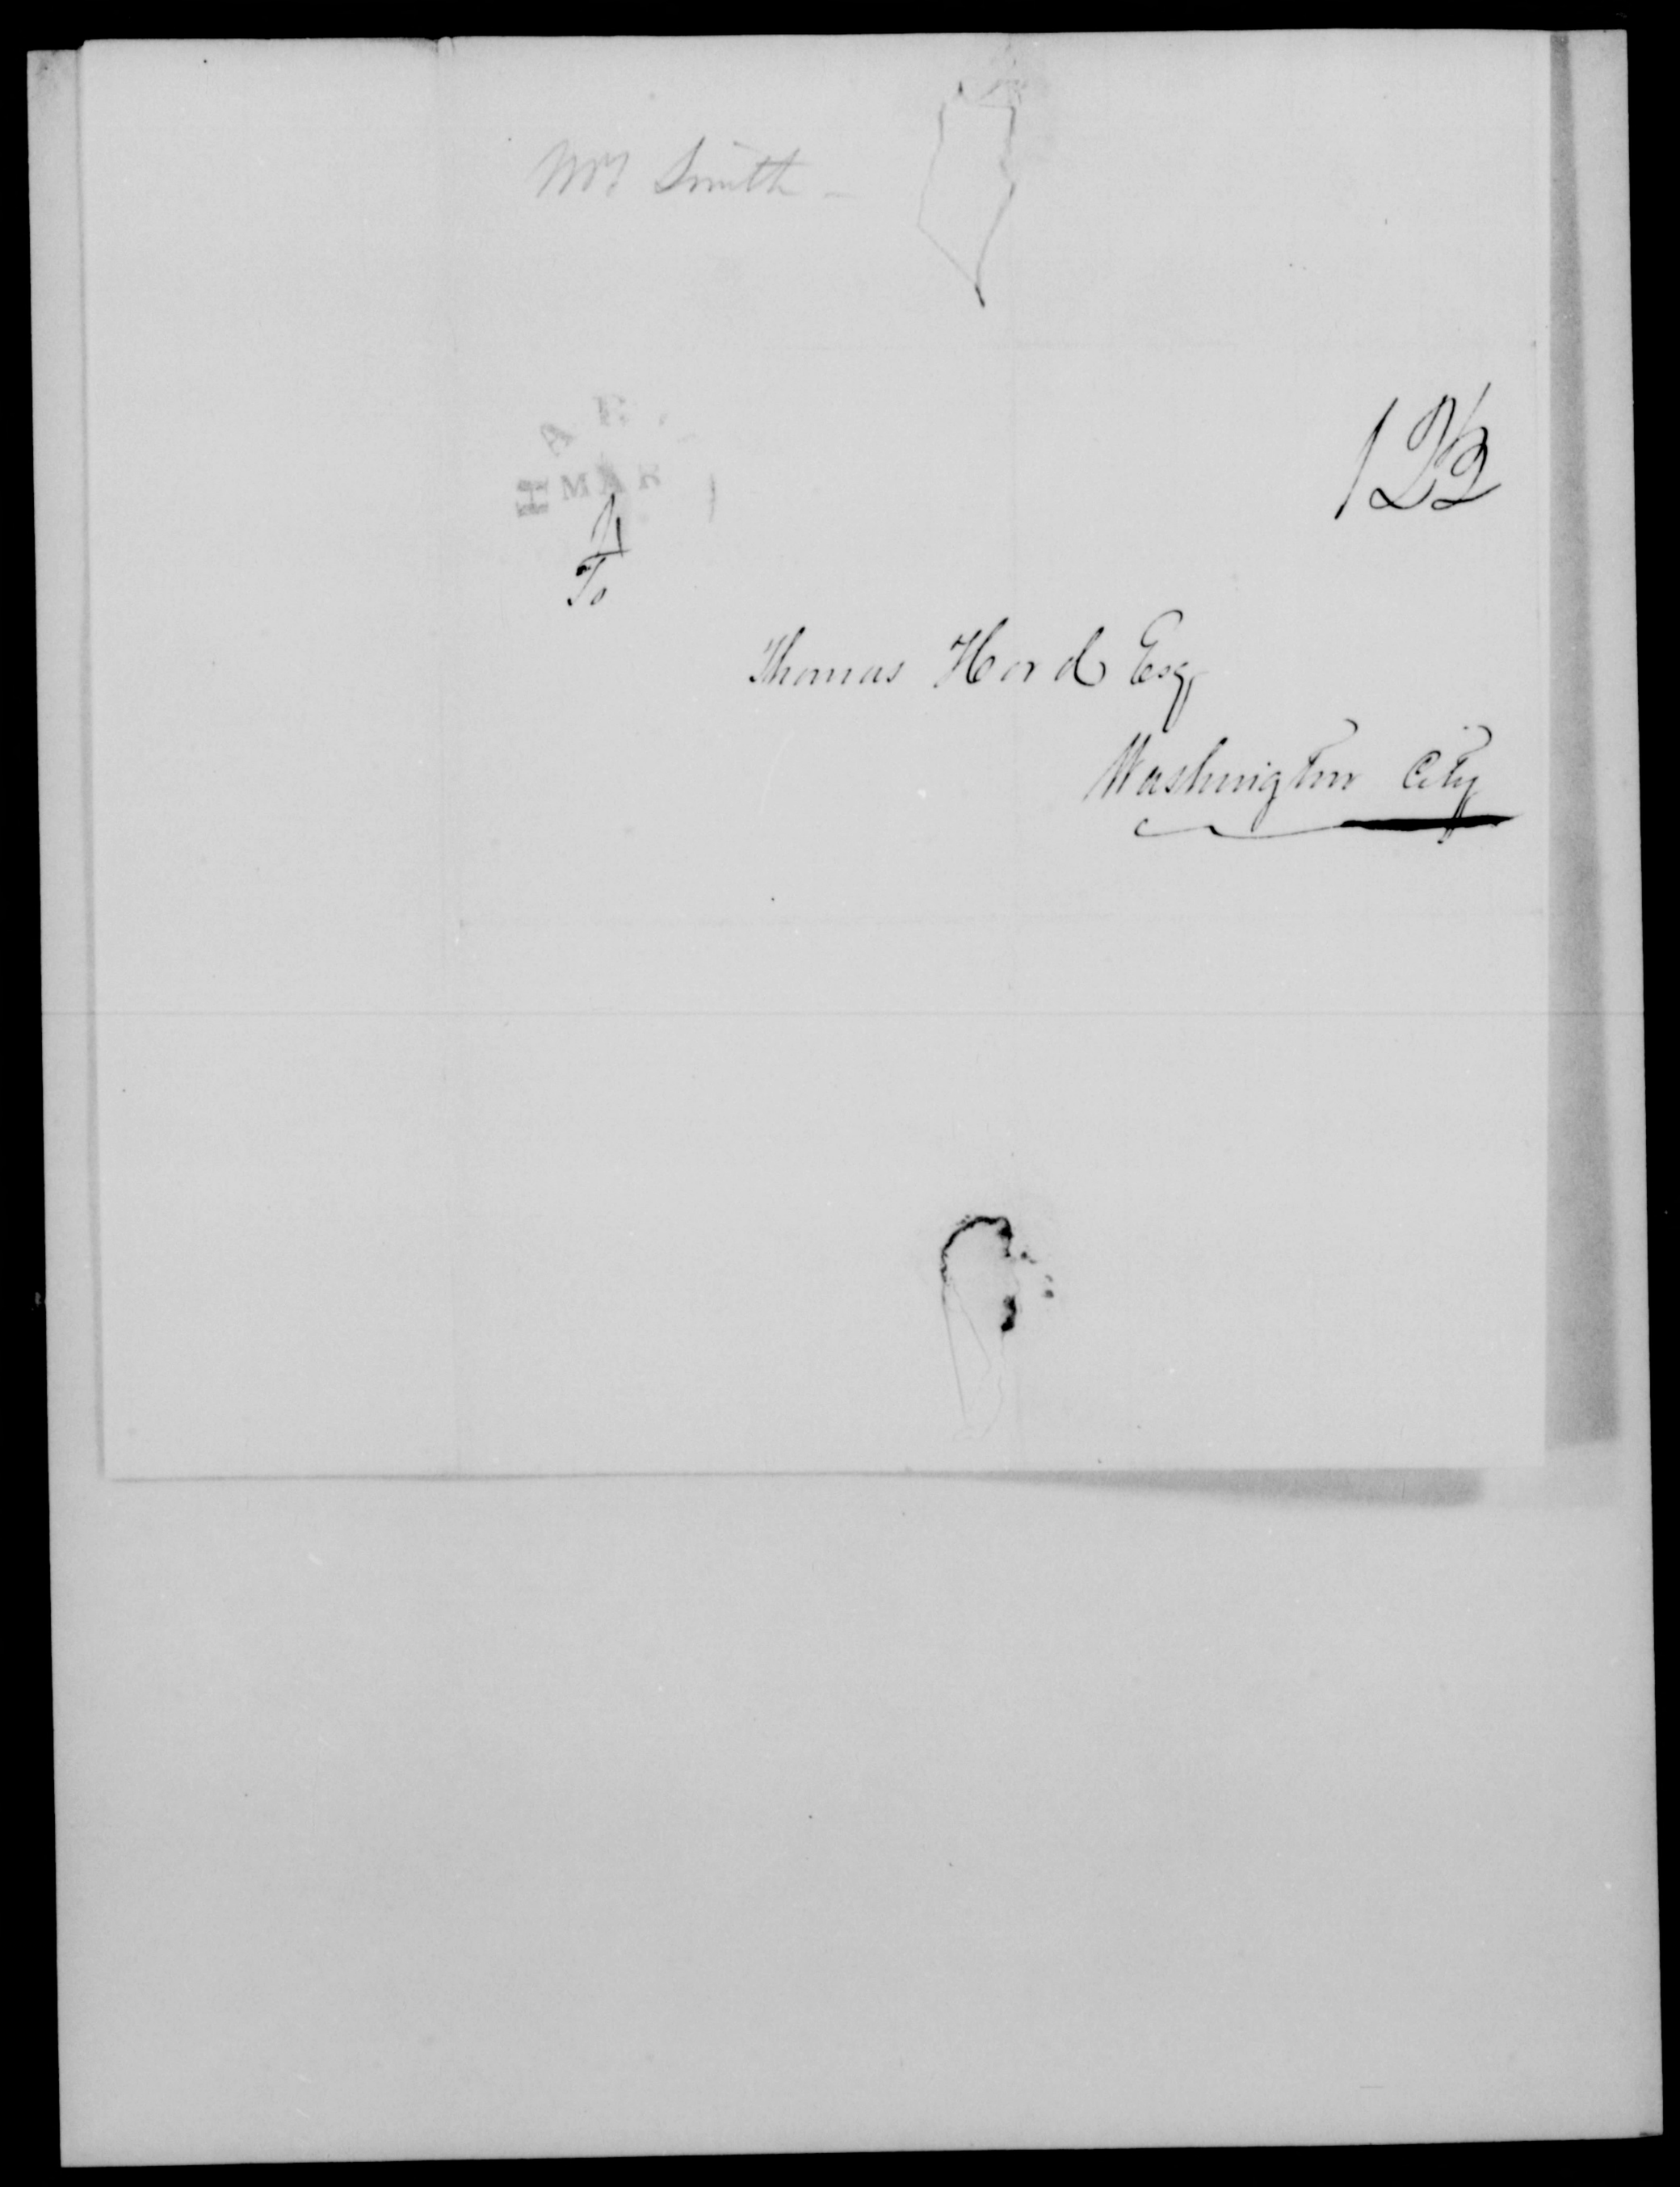Mrs Smith -

123

Thomas Hord Esq
Washington City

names: Wm Smith; Thomas Hord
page: 15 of 22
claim: widow's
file: W. 4,806, for William Smith, Virginia